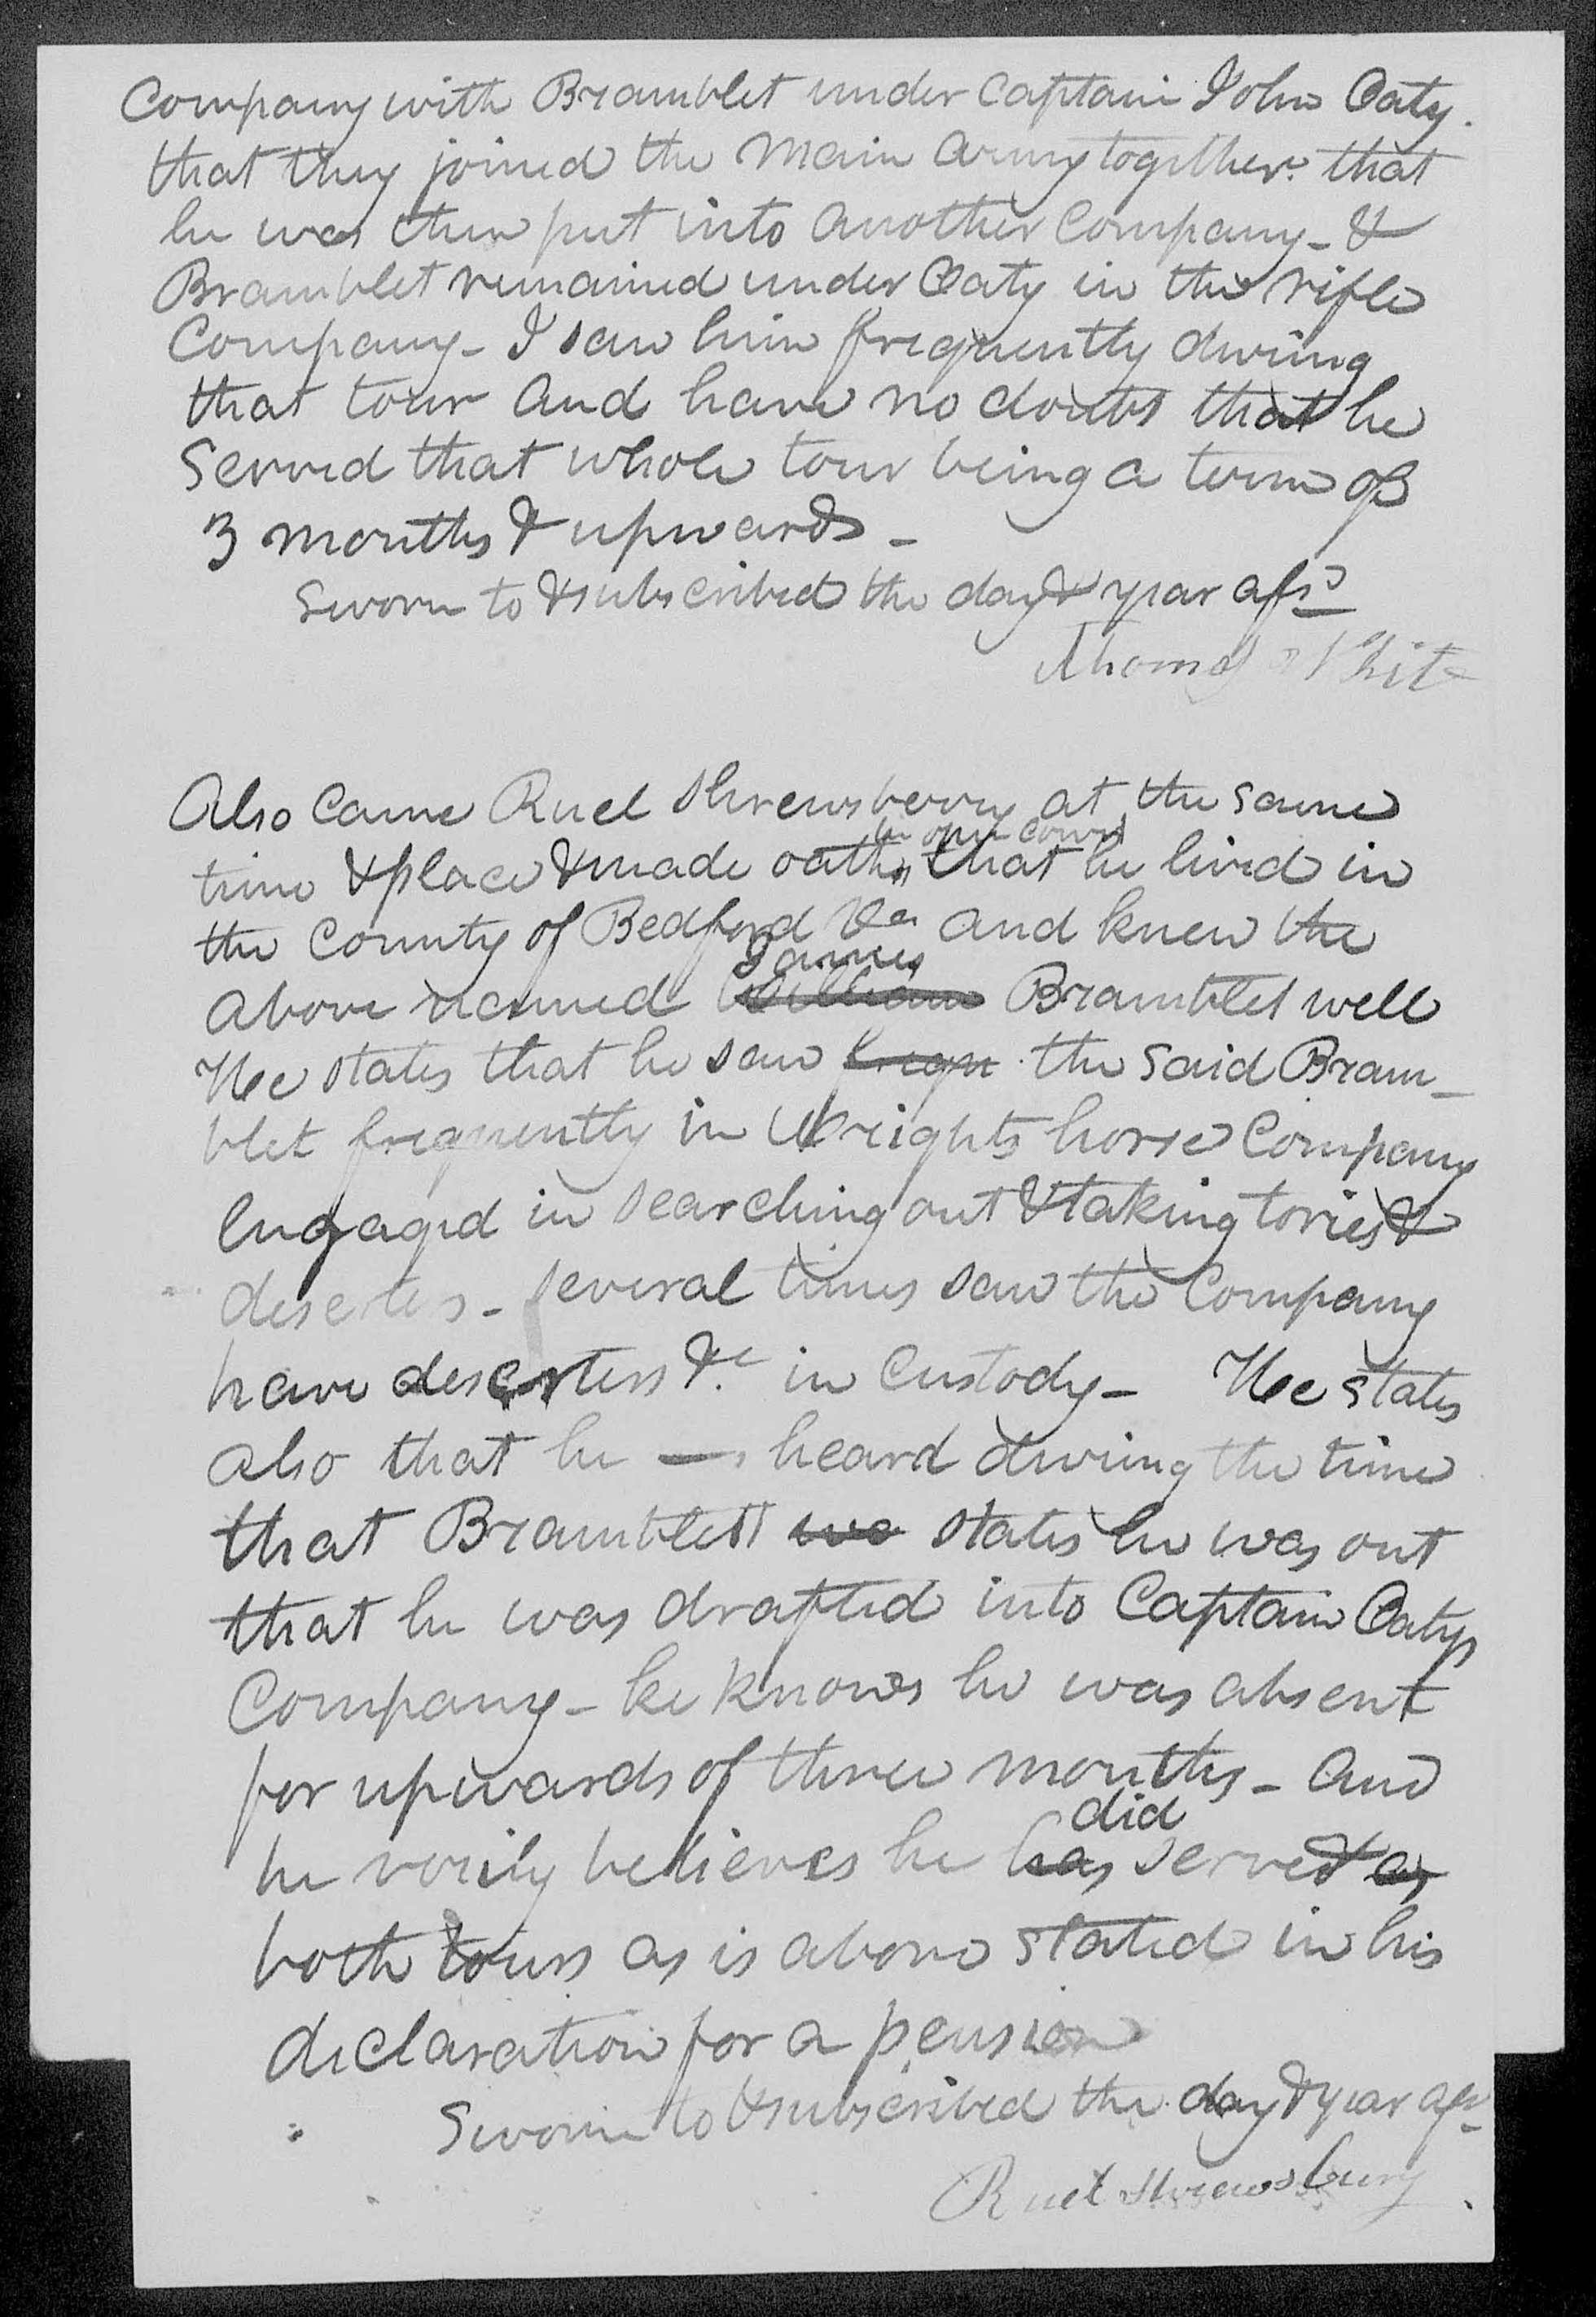Company with Bramblet under Captain John Oaty. That they joined the Main Army together that he was then put into Another Company - & Bramblet remained under Oaty in the rifle Company - I saw him frequently during 
that tour and have no doubt that he
Served that whole tour being a term of
3 months & upwards -
Sworn to & subscribed the day & year afsd
Thomas White

Also came Ruel Shrewsberry at the same
time & place & made oath in due course that he lived in the County of Bedford Va and knew the
Above named James Bramblet well
He states that he saw the said Bramblet
frequently in uprights horse Company
engaged in searching out & taking tories &
deserters - several times saw the Company
have deserters &c. in Custody - He states
also that he - , heard during the time
that Bramblett states he was out
that he was drafted into Captain Oatys
Company - he knows he was absent
for upwards of three months - And
he verily believes he did serve &
both tours as is above stated in his
declaration for a pension
Sworn to & subscribed the day & year afsd
Ruel Shrewsberry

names: Bramblett, Ruel Shrewsberry, James Bramblet, Ruel Shrewsbury, Bramblet, Thomas White, John Oaty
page: 6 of 30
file: S, 14,996, James Bramblett, Va.